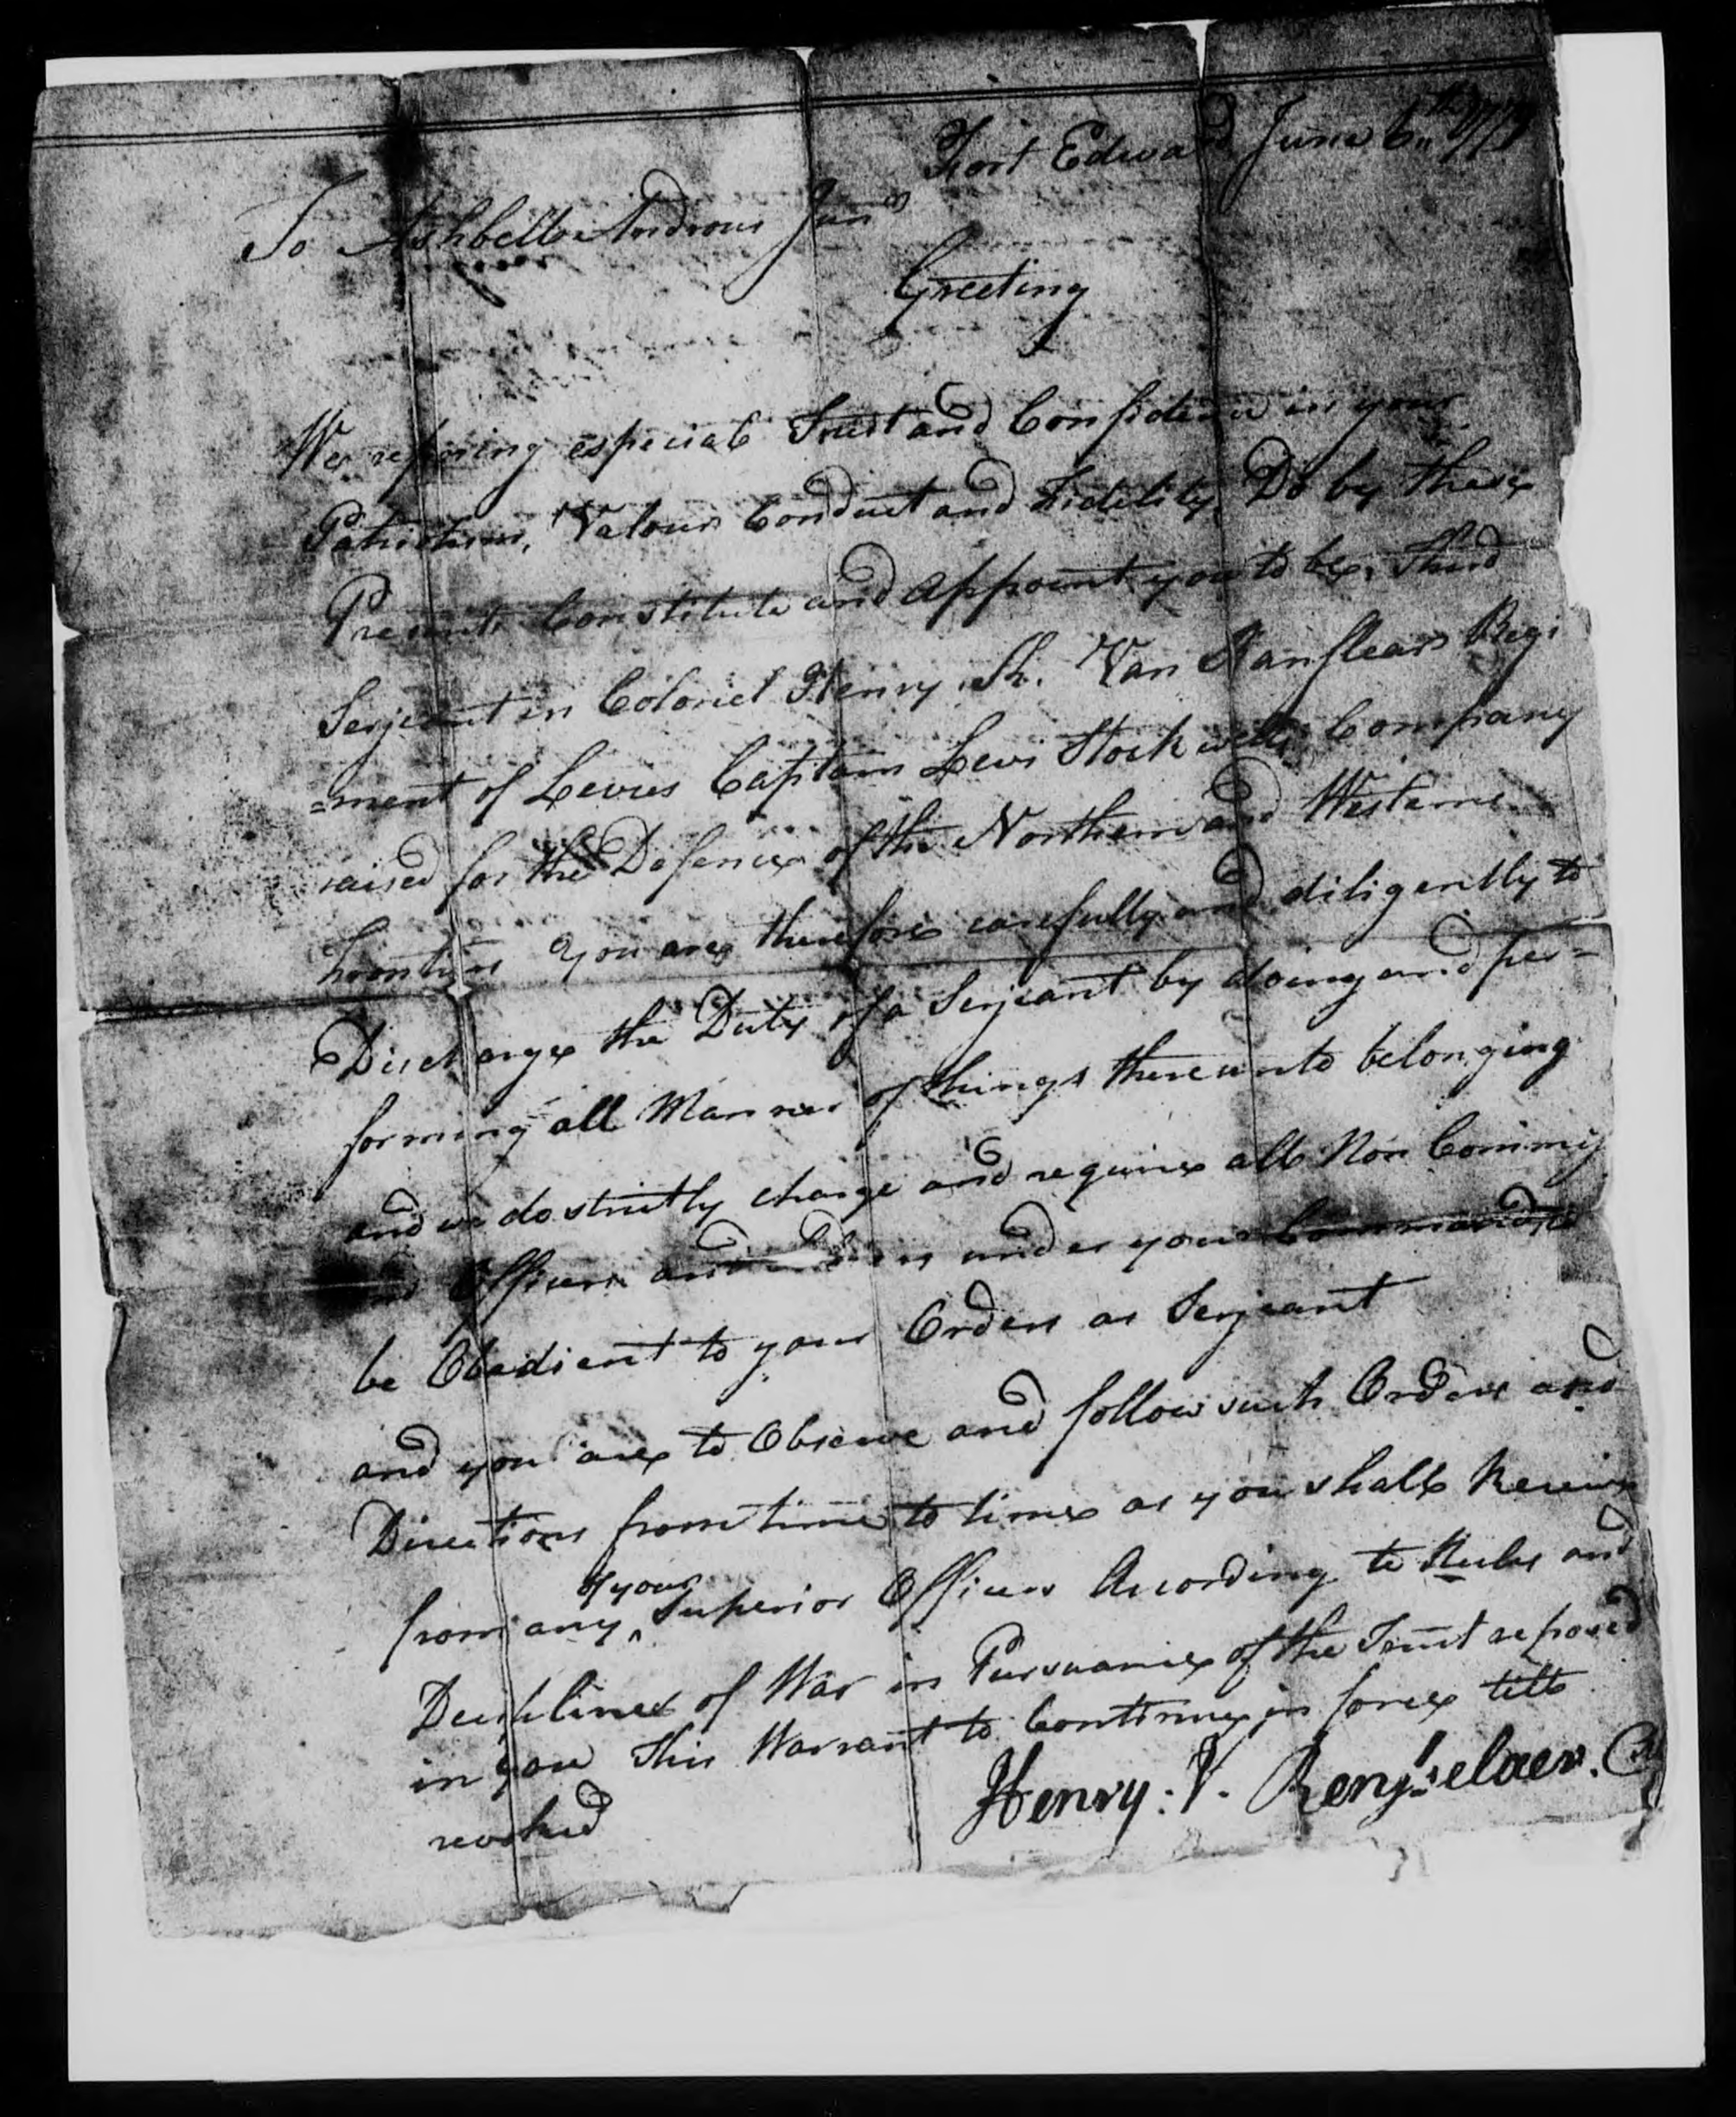Fort Edward June 6,1779
to Ashbel Andrews [illegible]
---
Greeting
We [illegible] especial Trust and Consider for your 
Patriotism, Valour Conduct and Fidelity do by there 
Present Constitute and appoint you to be Third Sergeant in Colonel Henry S. Van Rensselaer's Regiment of Levies Captain Levi Stockwell's Company
raised
for the Defence of the Northern and Western
frontiers

you are therefore carefully and 
diligently to Discharge the Duty of a Sergeant by 
doing and performing  all manner of 
things thereunto belonging
do strictly charge and require all [Non Commissioned officers and [illegible]?]
under you
be obedient to your
Orders as Sergeant
and you are to observe and follow such orders and
Directions from time to time as you shall receive from any of your 
Superior Officers according to [illegible] and
Discipline of War in 
Pursuance of the Trust reposed
in you
This Warrant to continue in force till
revoked
Henry V. Rensselaer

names: Ashbell Andrews, Henry J Rensselaer, Henry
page: 6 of 8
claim: survivor's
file: S 45217, Ashbel Andrews, New York